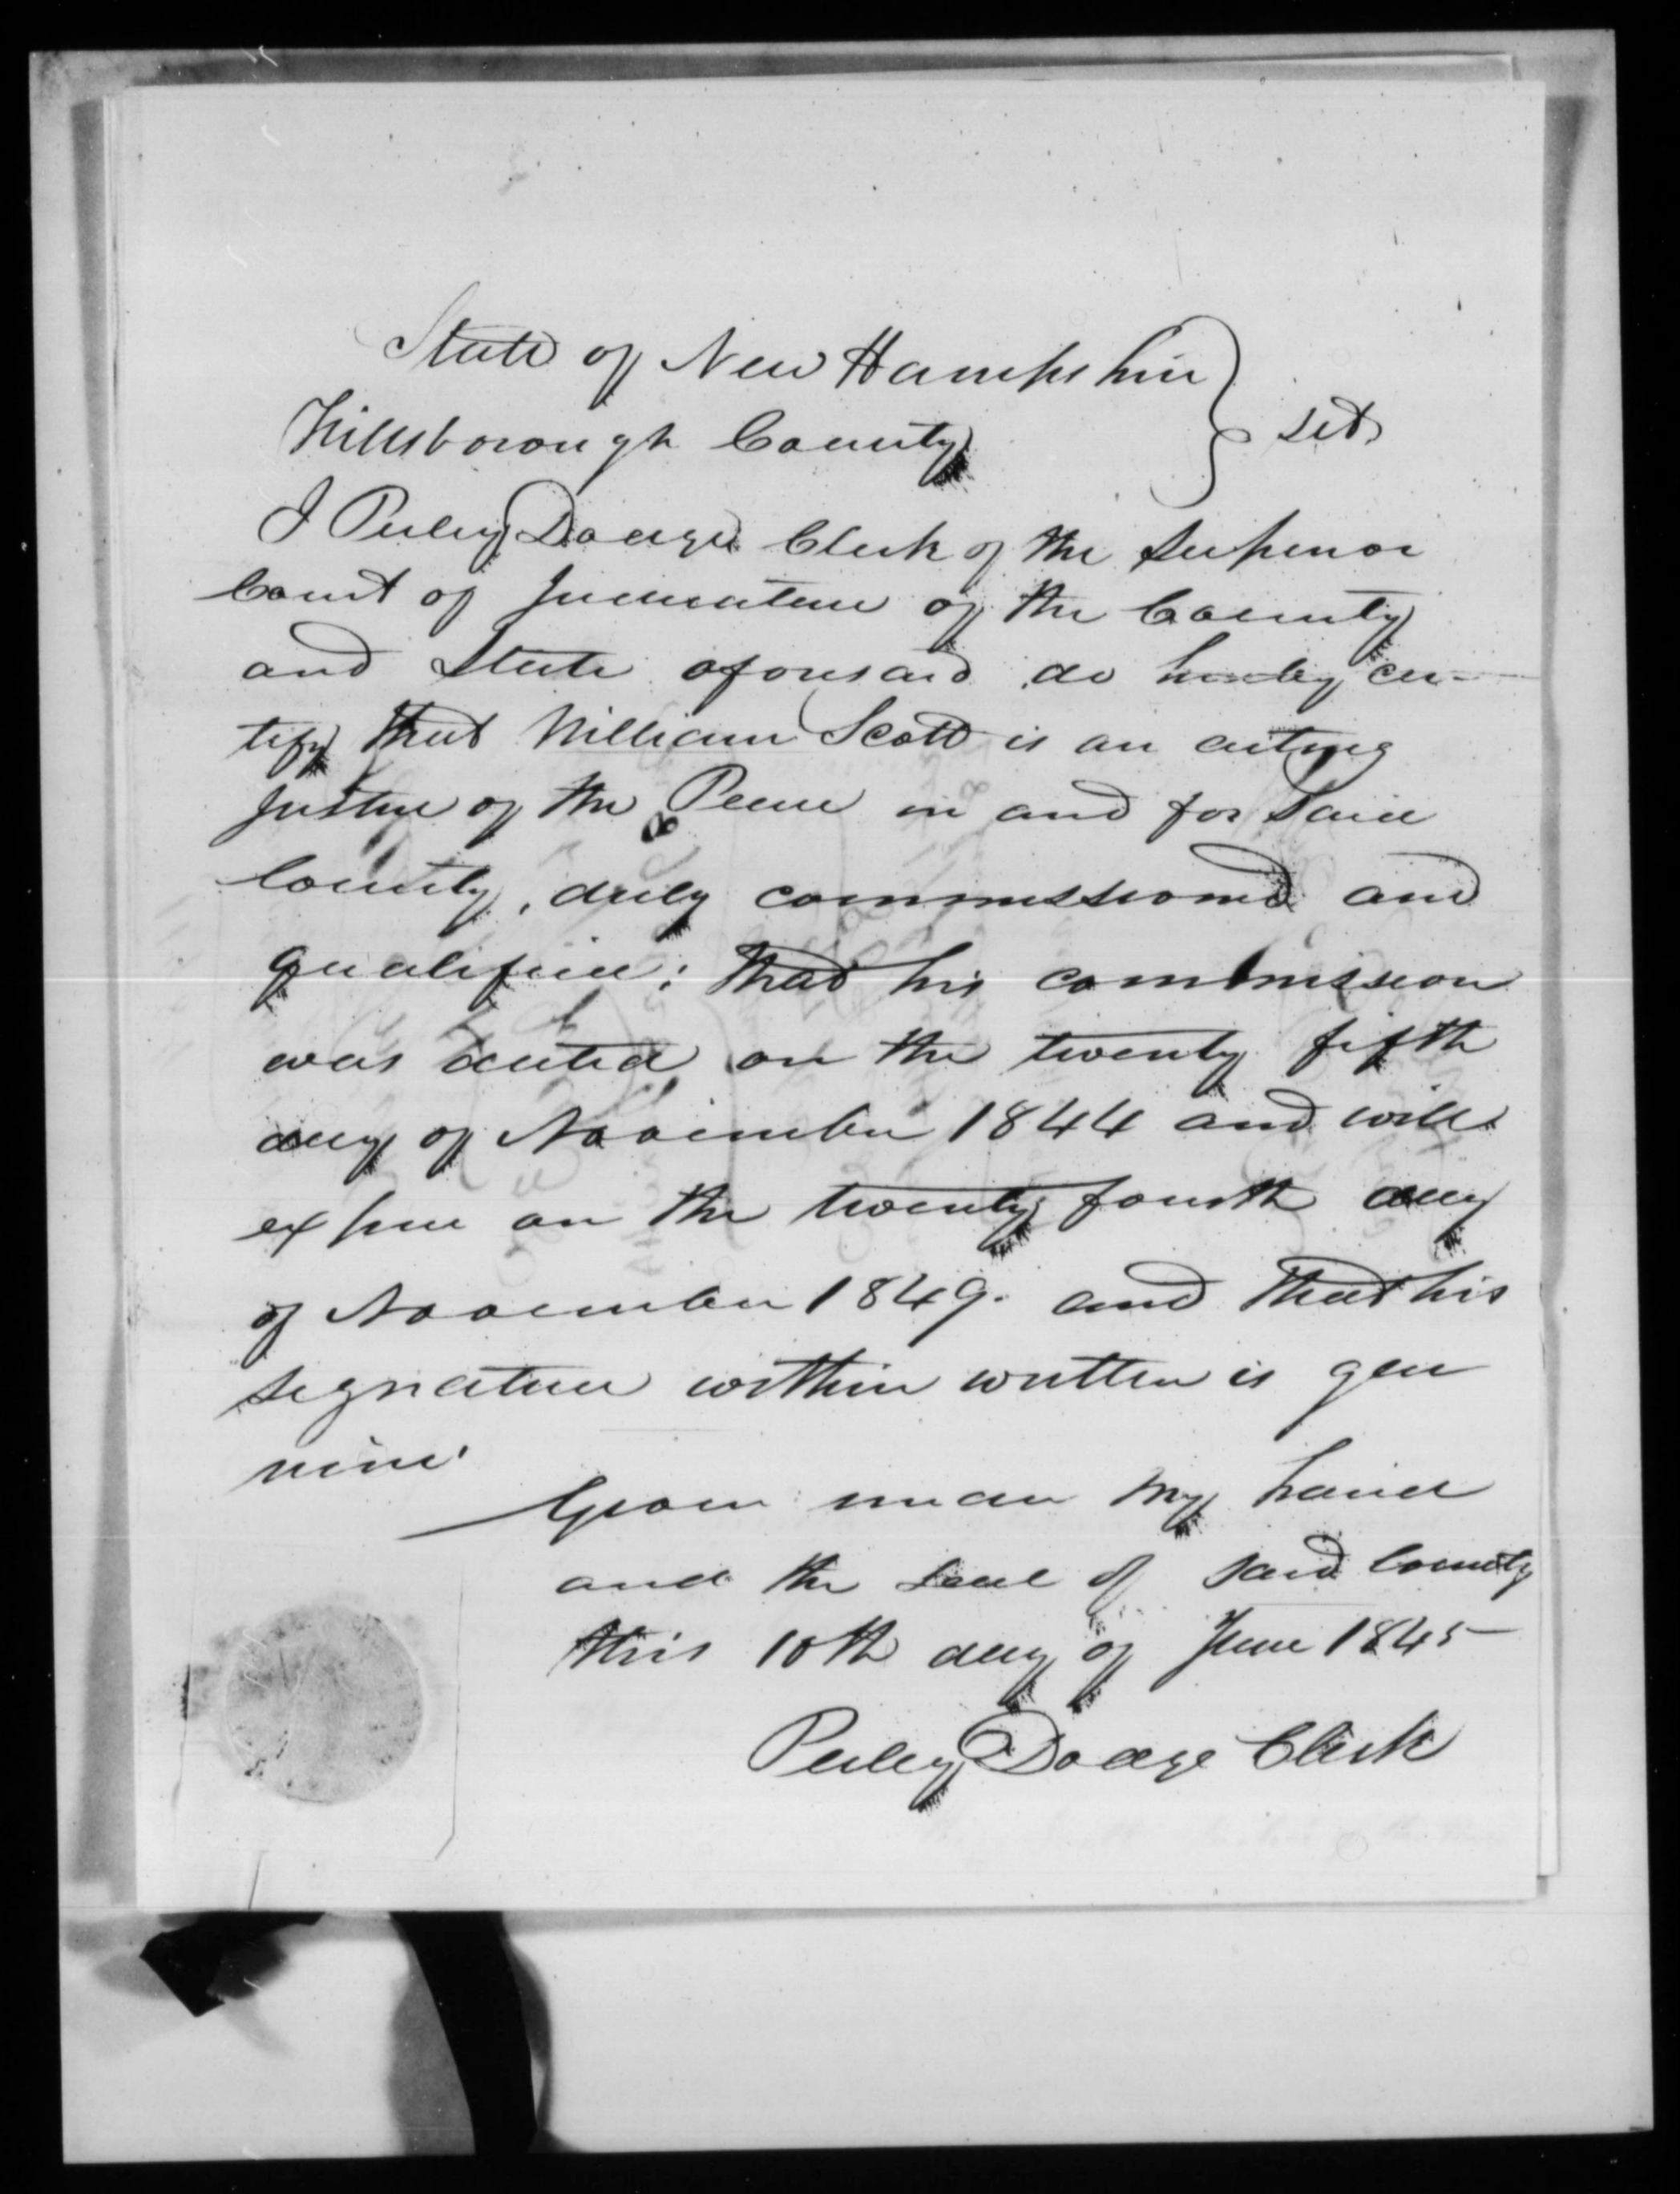State of New Hampshire
Hillsborough County
I Perley Dodge Clerk of the Superior Court of Justices of the County and State aforesaid do herby certify -- --- William Scott is an acting Justice of the Peace and for said County --- compressed and ---. That his compassion was --- on the twenty fifth day of November 1844 and --- --- --- and the twenty fourth day of November 1849 and that his --- --- --- --- - --- 
--- --- --- --- - --- - -- - said county this 10th day of June 1845
Perley Dodge Clerk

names: Perley Dodge; William Scott; Perley Dodge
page: 12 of 55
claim: widow's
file: W 19058, for James Smith, Massachusetts